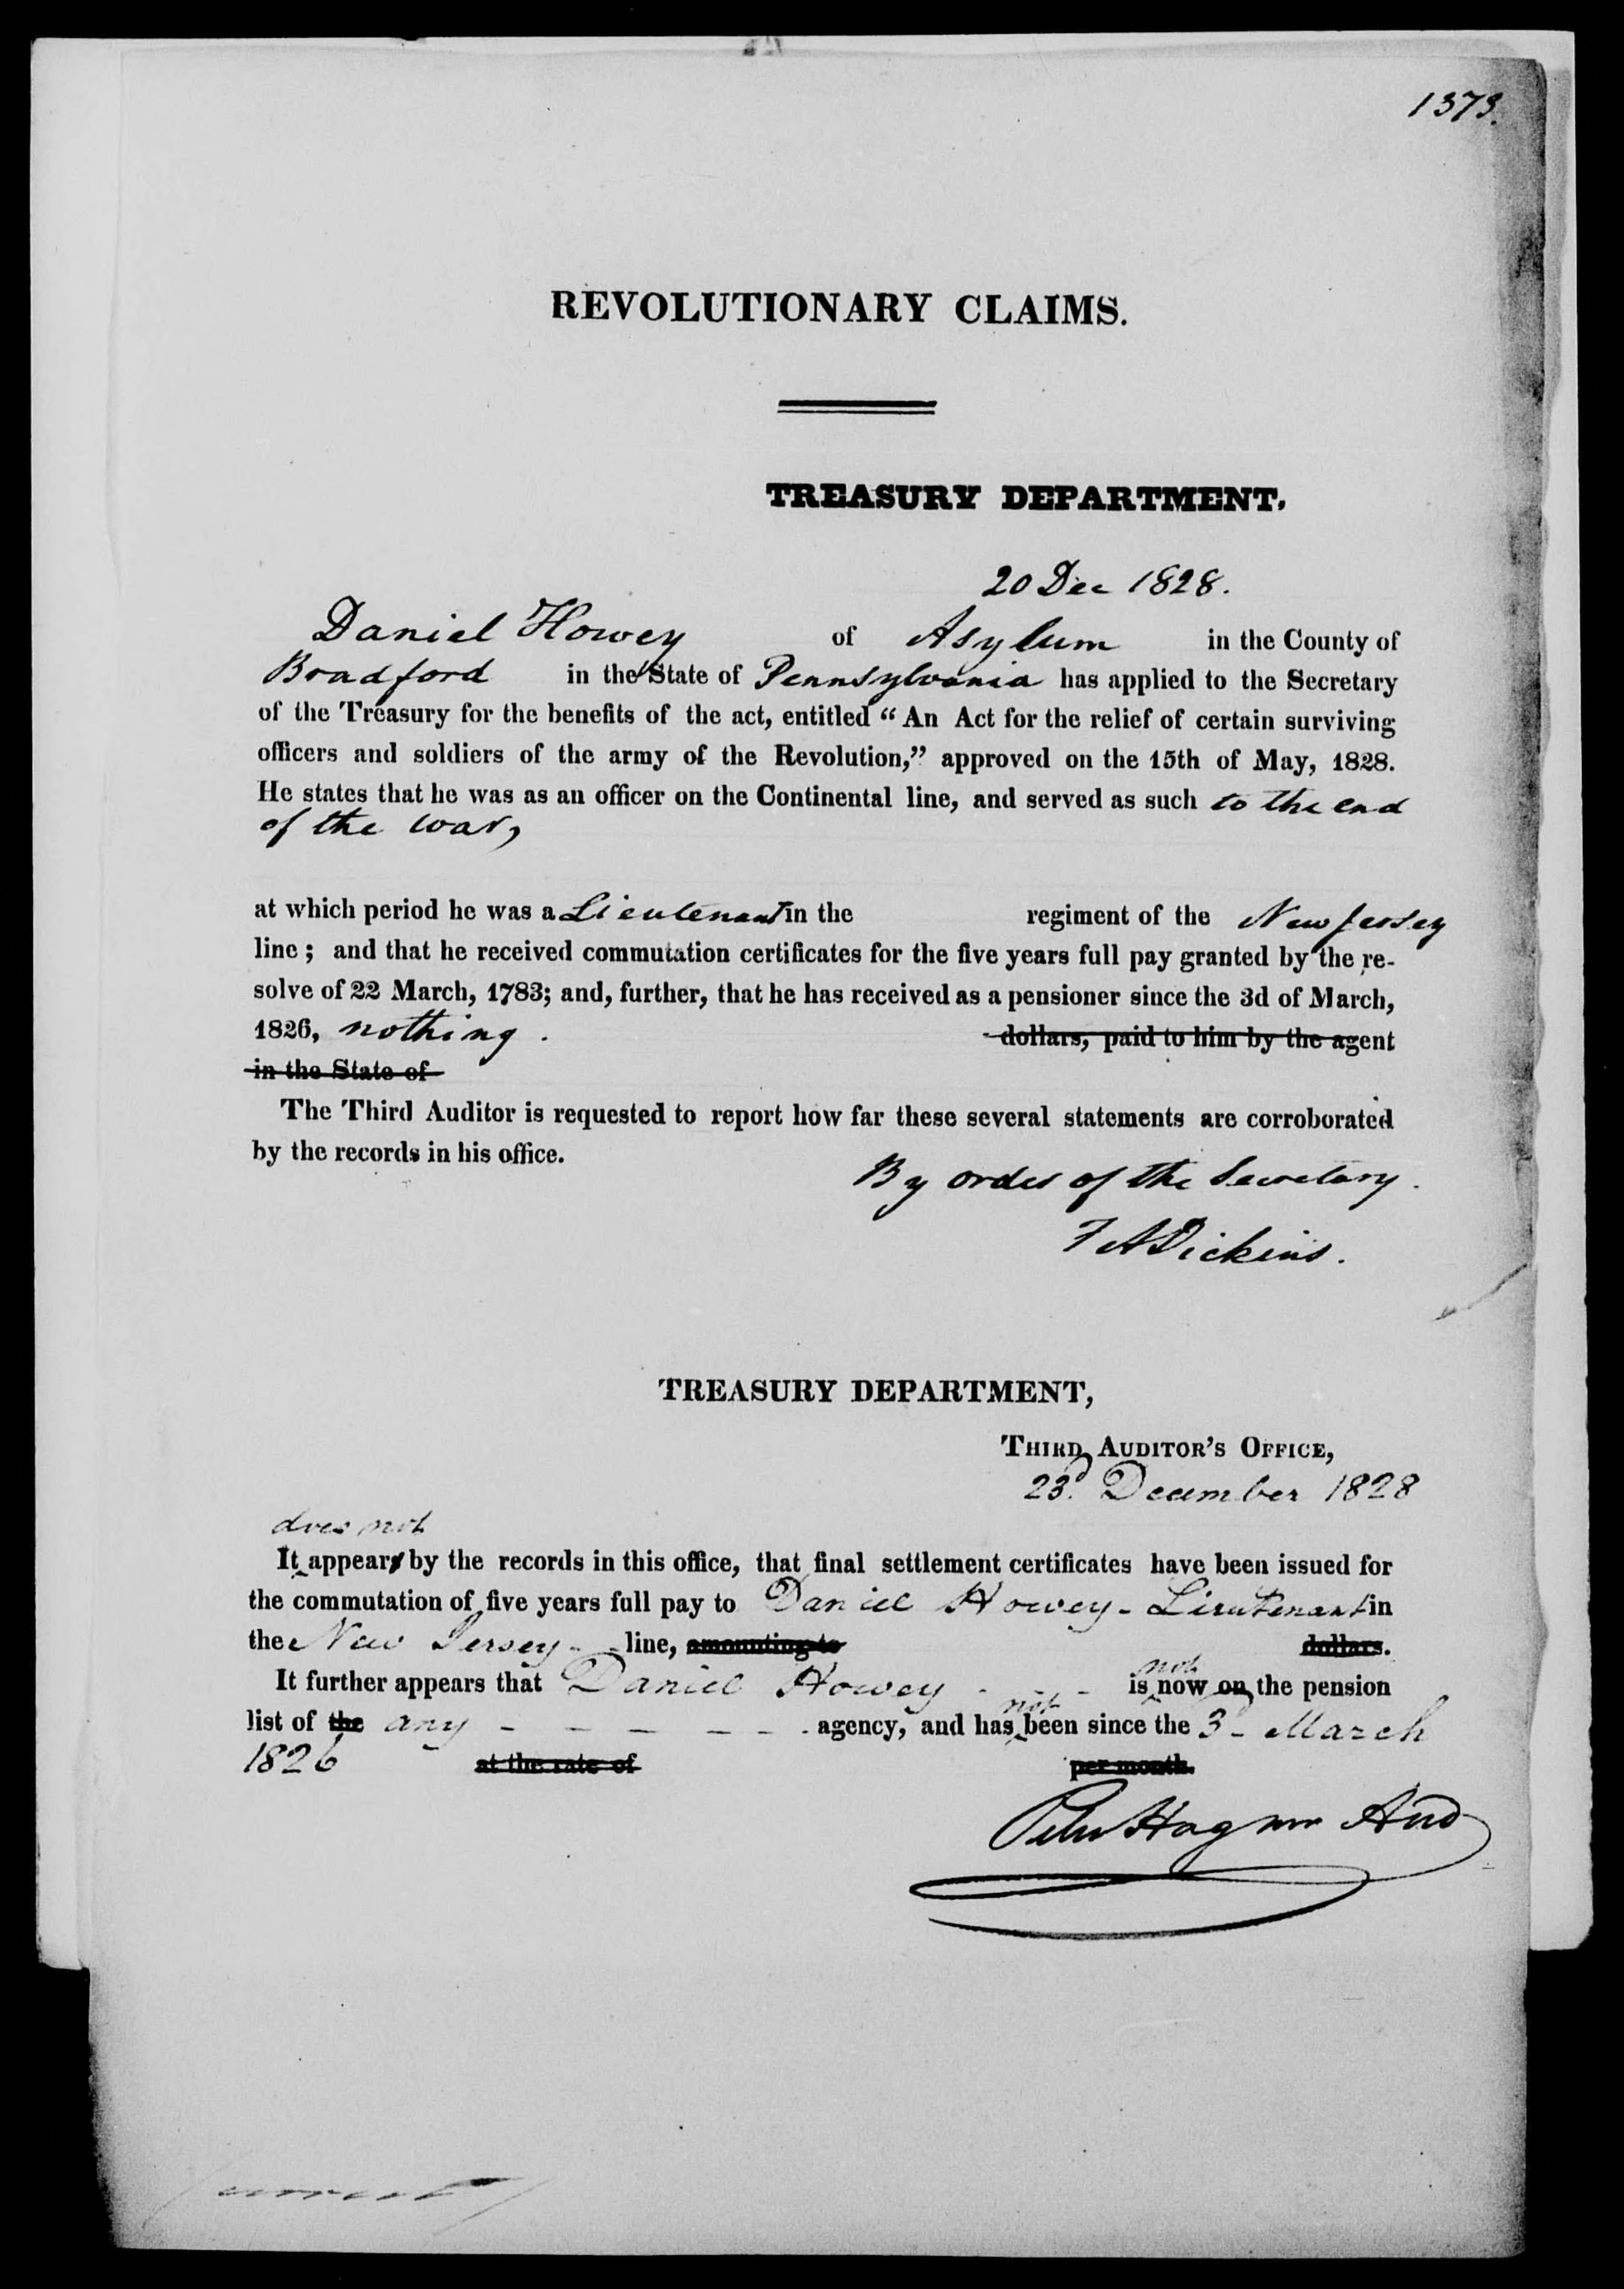Revolutionary Claims.
Treasury Department,
20 Dec 1828. [handwritten]
Daniel Howey [handwritten] of Asylum [handwritten] in the County of Bradford in the State of Pennsylvania has applied to the Secretary of the Treasury for the benefits of the act, entitled "An Act for the relief of certain surviving officers and soldiers of the army of the Revolution," approved on the 15th of May, 1828. He states that he was as an officer on the Continental line, and served as such to the end of the war [time period is handwritten], at which period he was a Lieutenant  [handwritten] in the [blank] regiment of the New Jersey [handwritten] line; and that he received commutation certificates for the five years full pay granted by the resolve of 22 March, 1783; and, further, that he has received as a pensioner since the 3d of March, 1826, nothing[handwritten] . [struck out] dollars, paid to him by the agent in the State of [blank]
The Third Auditor is requested to report how far these several statements are corroborated by the records in his office. 
By order of the Secretary.[handwritten]
F A Dickins.[handwritten]
Treasury Department, 
Third Auditor's Office, 
23 December 1828 [handwritten]
It does not appear by the records in this office, that final settlement certificates have been issued for the commutation of five years full pay to Daniel Howey, Lieutenant in the New Jersey [handwritten] line, [struck out] amounting to [blank] dollars. It further appears that Daniel Howey [handwritten]--- is not [handwritten] on the pension list of the [the struck out] any [handwritten] ---------- agency, and has not [handwritten] been since the 3_March 1826 [date handwritten]. [the following is struck out] at the rate of [blank] per month. Peter Hagmr And [ink swirls] [illegible ink at bottom]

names: F A Dickins, Peter Hagner, Daniel Howey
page: 25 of 25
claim: rejected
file: R. 5190, Daniel Howey, New Jersey New York